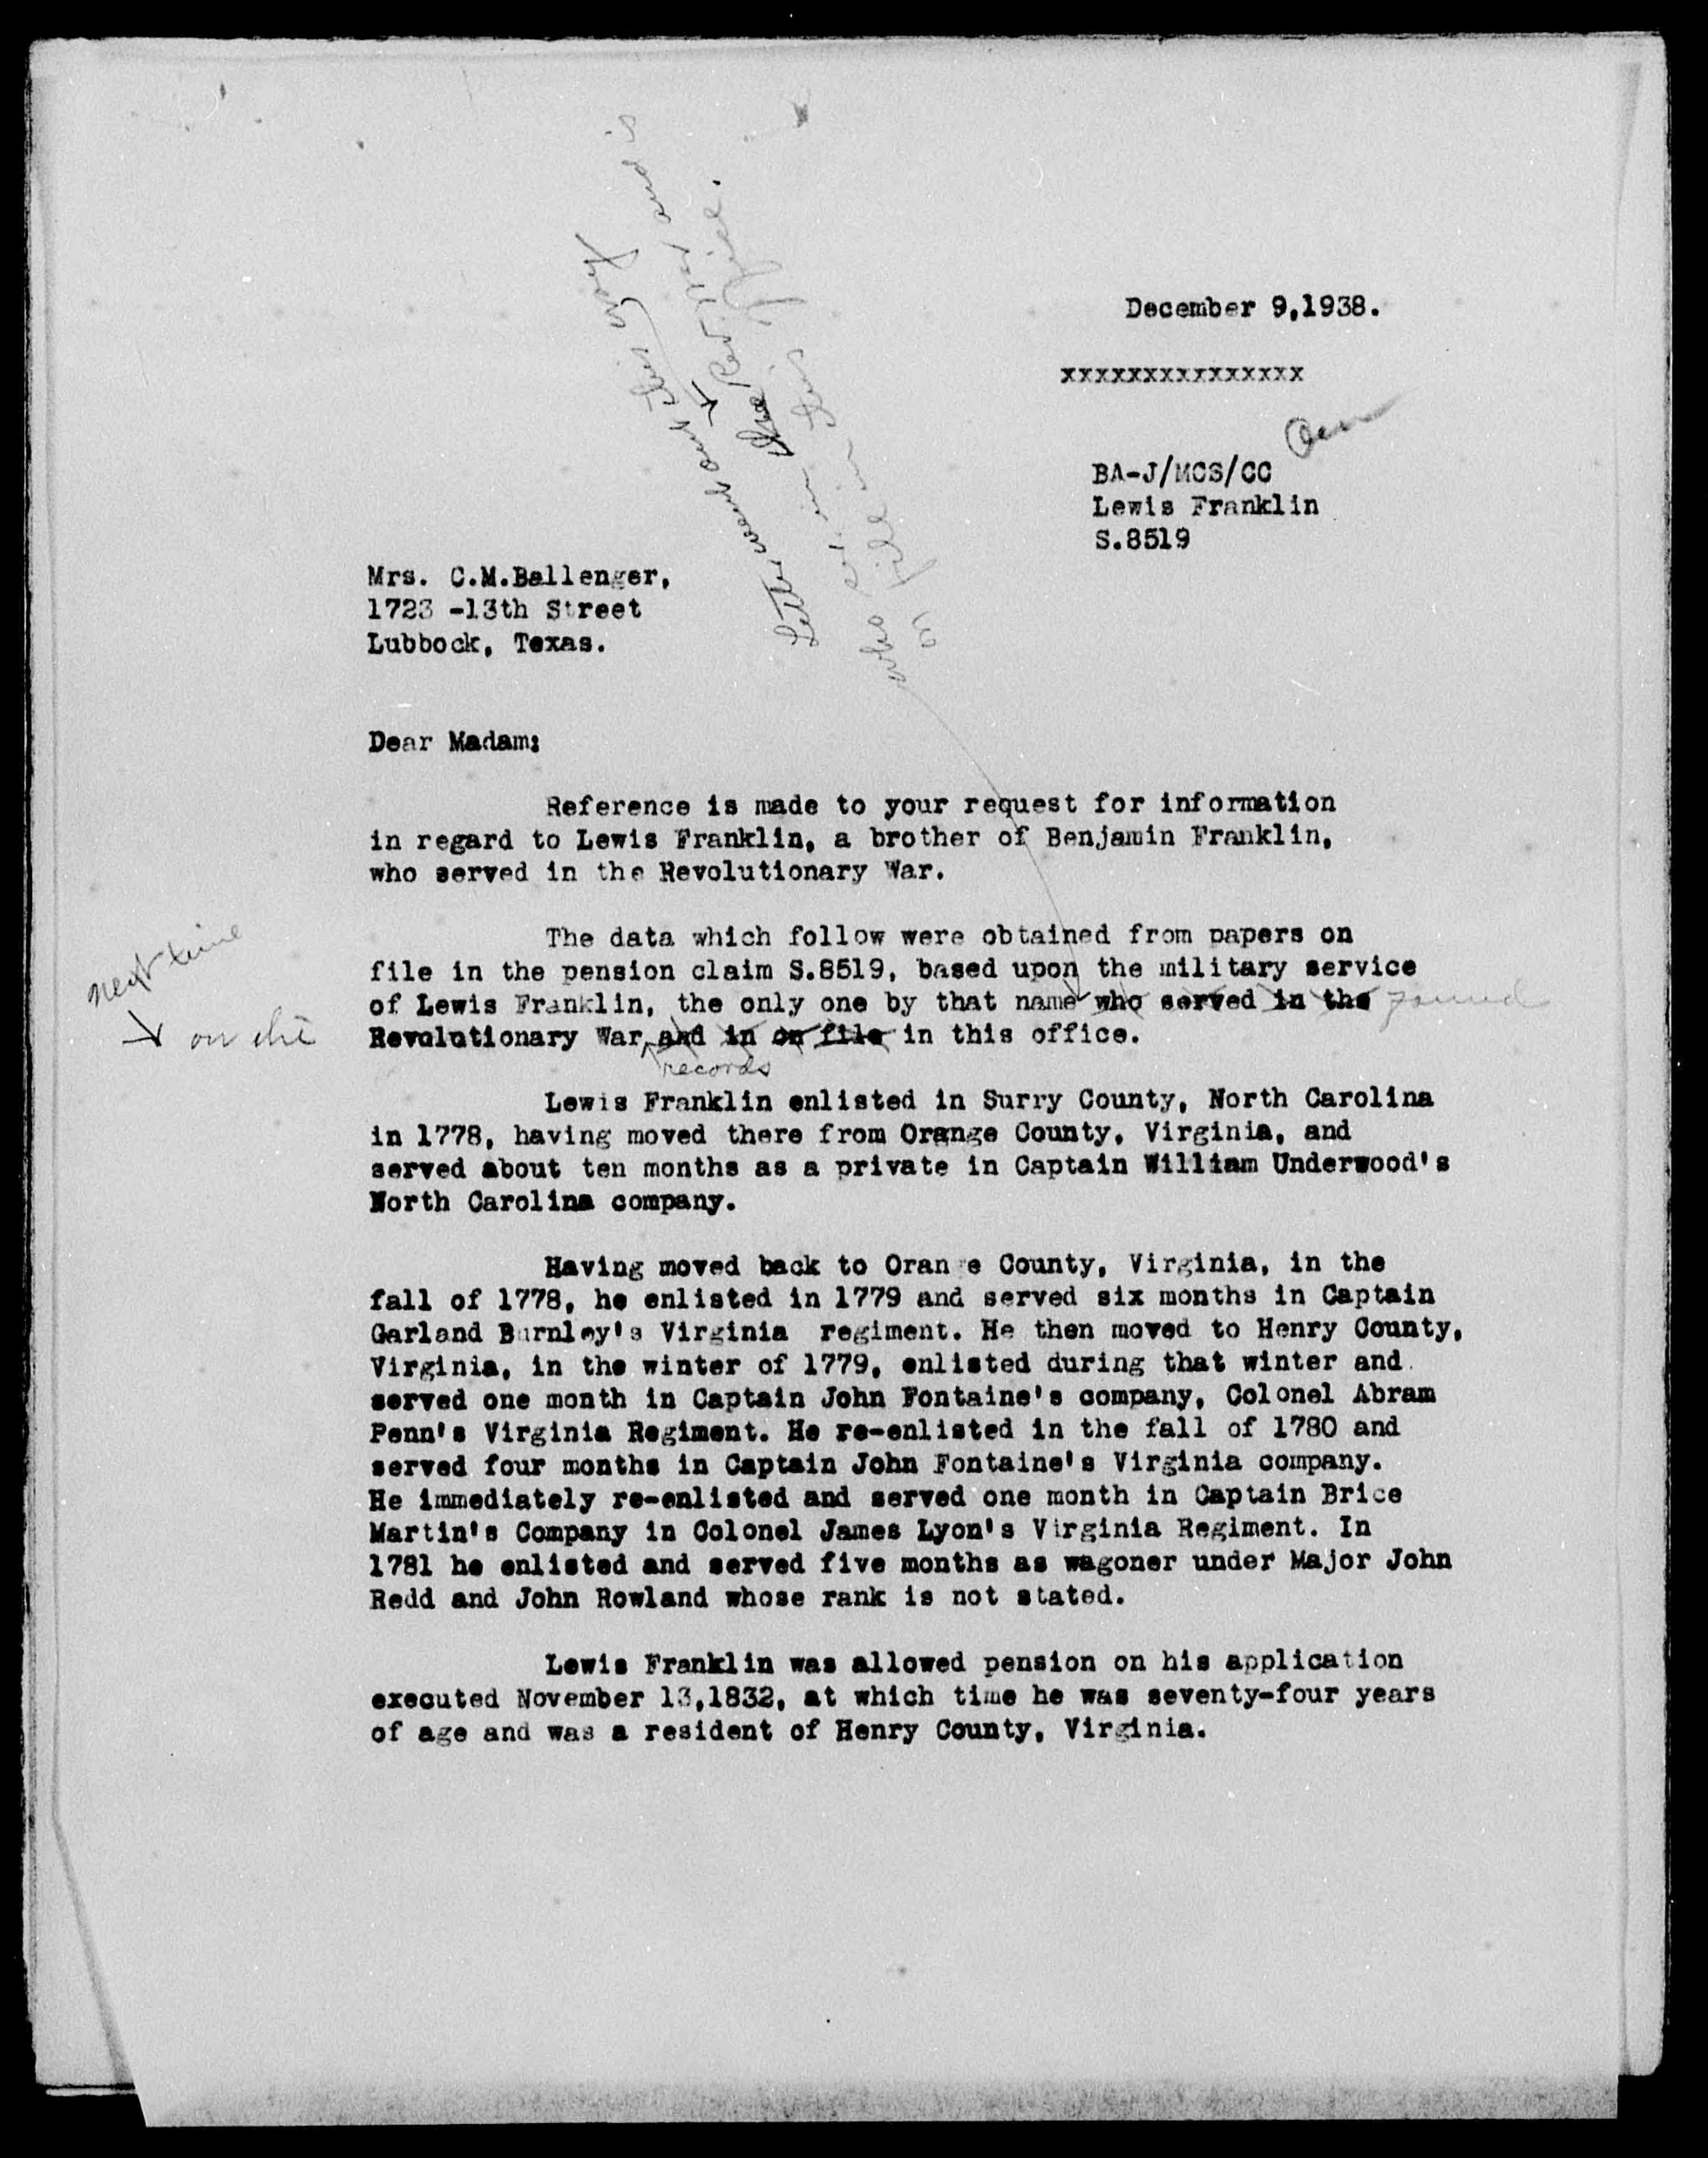December 9, 1938

xxxxxxxxxxxxxxx

BA-J/MCS/CC
Lewis Franklin
S.8519

Mrs. C.M.Ballenger
1723 -13th Street
Lubbock, Texas.

Dear Madam:
Reference is made to your request for information in regard to Lewis Franklin, a brother of Benjamin Franklin, who served in the Revolutionary War.

The data which follow were obtained from papers on file in the pension claim S.8519, based upon military service of Lewis Franklin, the only one that name who served in the Revolutionary War and in on file in this office. 

Lewis Franklin enlisted in Surry County, North Carolina in 1778, having moved there from Orange County, Virginia, and served about ten months as a private in Captain William Underwood's North Carolina company. 

Having moved back to Orange County, Virginia, in the fall of 1778, he enlisted in 1779 and served six months in Captain Garland Burnley's Virginia regiment.  He then moved to Henry County, Virginia, in the winter of 1779, enlisted during that winter and served one month in Captain John Fontaine's Virginia company. He immediately re-enlisted and served one month in Captain Brice Martin's in Colonel James Lyon's Virginia Regiment. In 1781 he enlisted and served five months as wagoner under Major John Howland whose rand is not stated.

Lewis Franklin was allowed pension on his application executed November 13, 1832, at which time he was seventy-four years of age and was a resident of Henry County, Virginia.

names: John Redd, C M Ballenger, Lewis Franklin, Benjamin Franklin, Lewis Franklin, Lewis Franklin, Lewis Franklin, John Rowland, Lewis Franklin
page: 7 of 20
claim: survivor's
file: S. 8519, Lewis Franklin, N.C. Va.